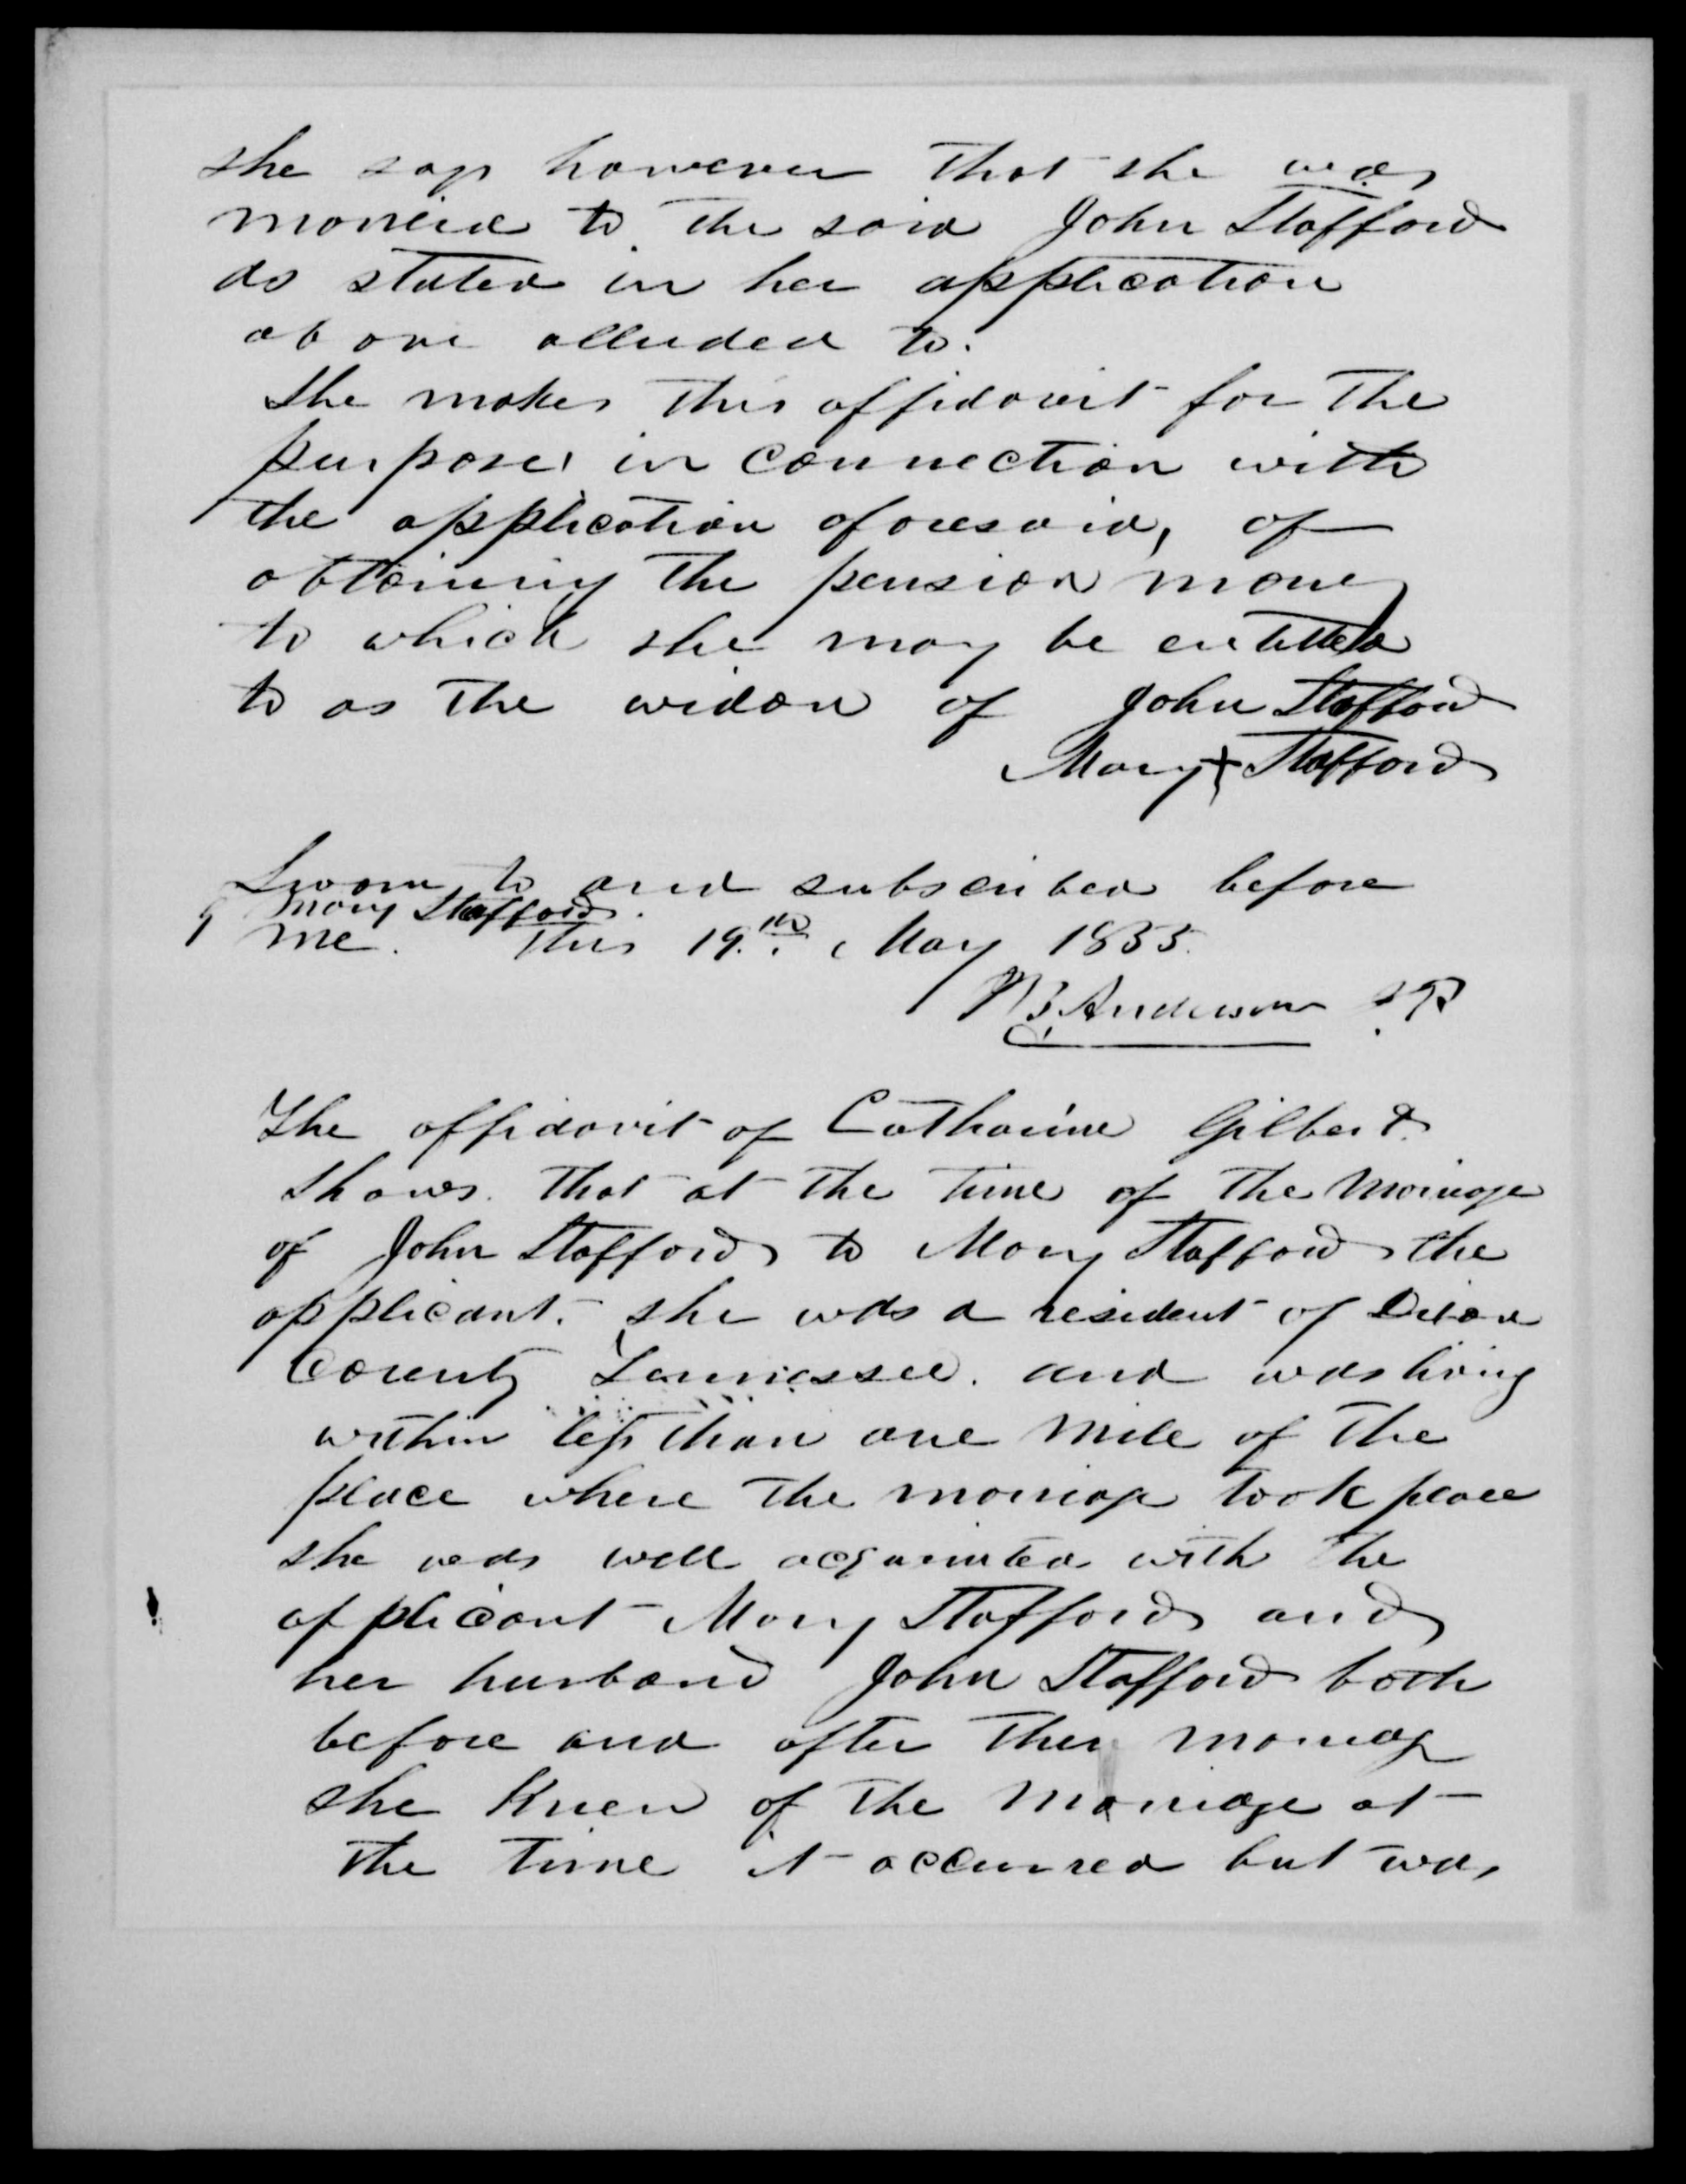she says however that she was married to the said John Stafford as stated in her application above alluded to.
She makes this affidavit for the purposes in connection with the application aforesaid, ob obtaining the pension money to which she may be entitled as the widow of John Stafford
					Mary X Stafford

Sworn to and subscribed before
Mary Stafford
me this 19th May 1855.

					J B Anderson JP

The affidavit of Catherine Gilbert  shows that at the time of the marriage of John Stafford to Mary Stafford the applicant. She was a resident of Dixon County Tennessee, and was being within lefs than one mile of the place where the marriage took place she was well acquainted with the applicant Mary Stafford and her husband John Stafford bothe before and after their marriage she knew of the marriage at the time it occurred but was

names: J B Anderson; John Stafford; Mary Stafford; Mary Stafford; John Stafford; John Stafford; Catharine Gilbert; John Stafford; Mary Stafford; Mary Stafford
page: 27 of 61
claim: widow's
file: W. 11554, for John Stafford, Maryland